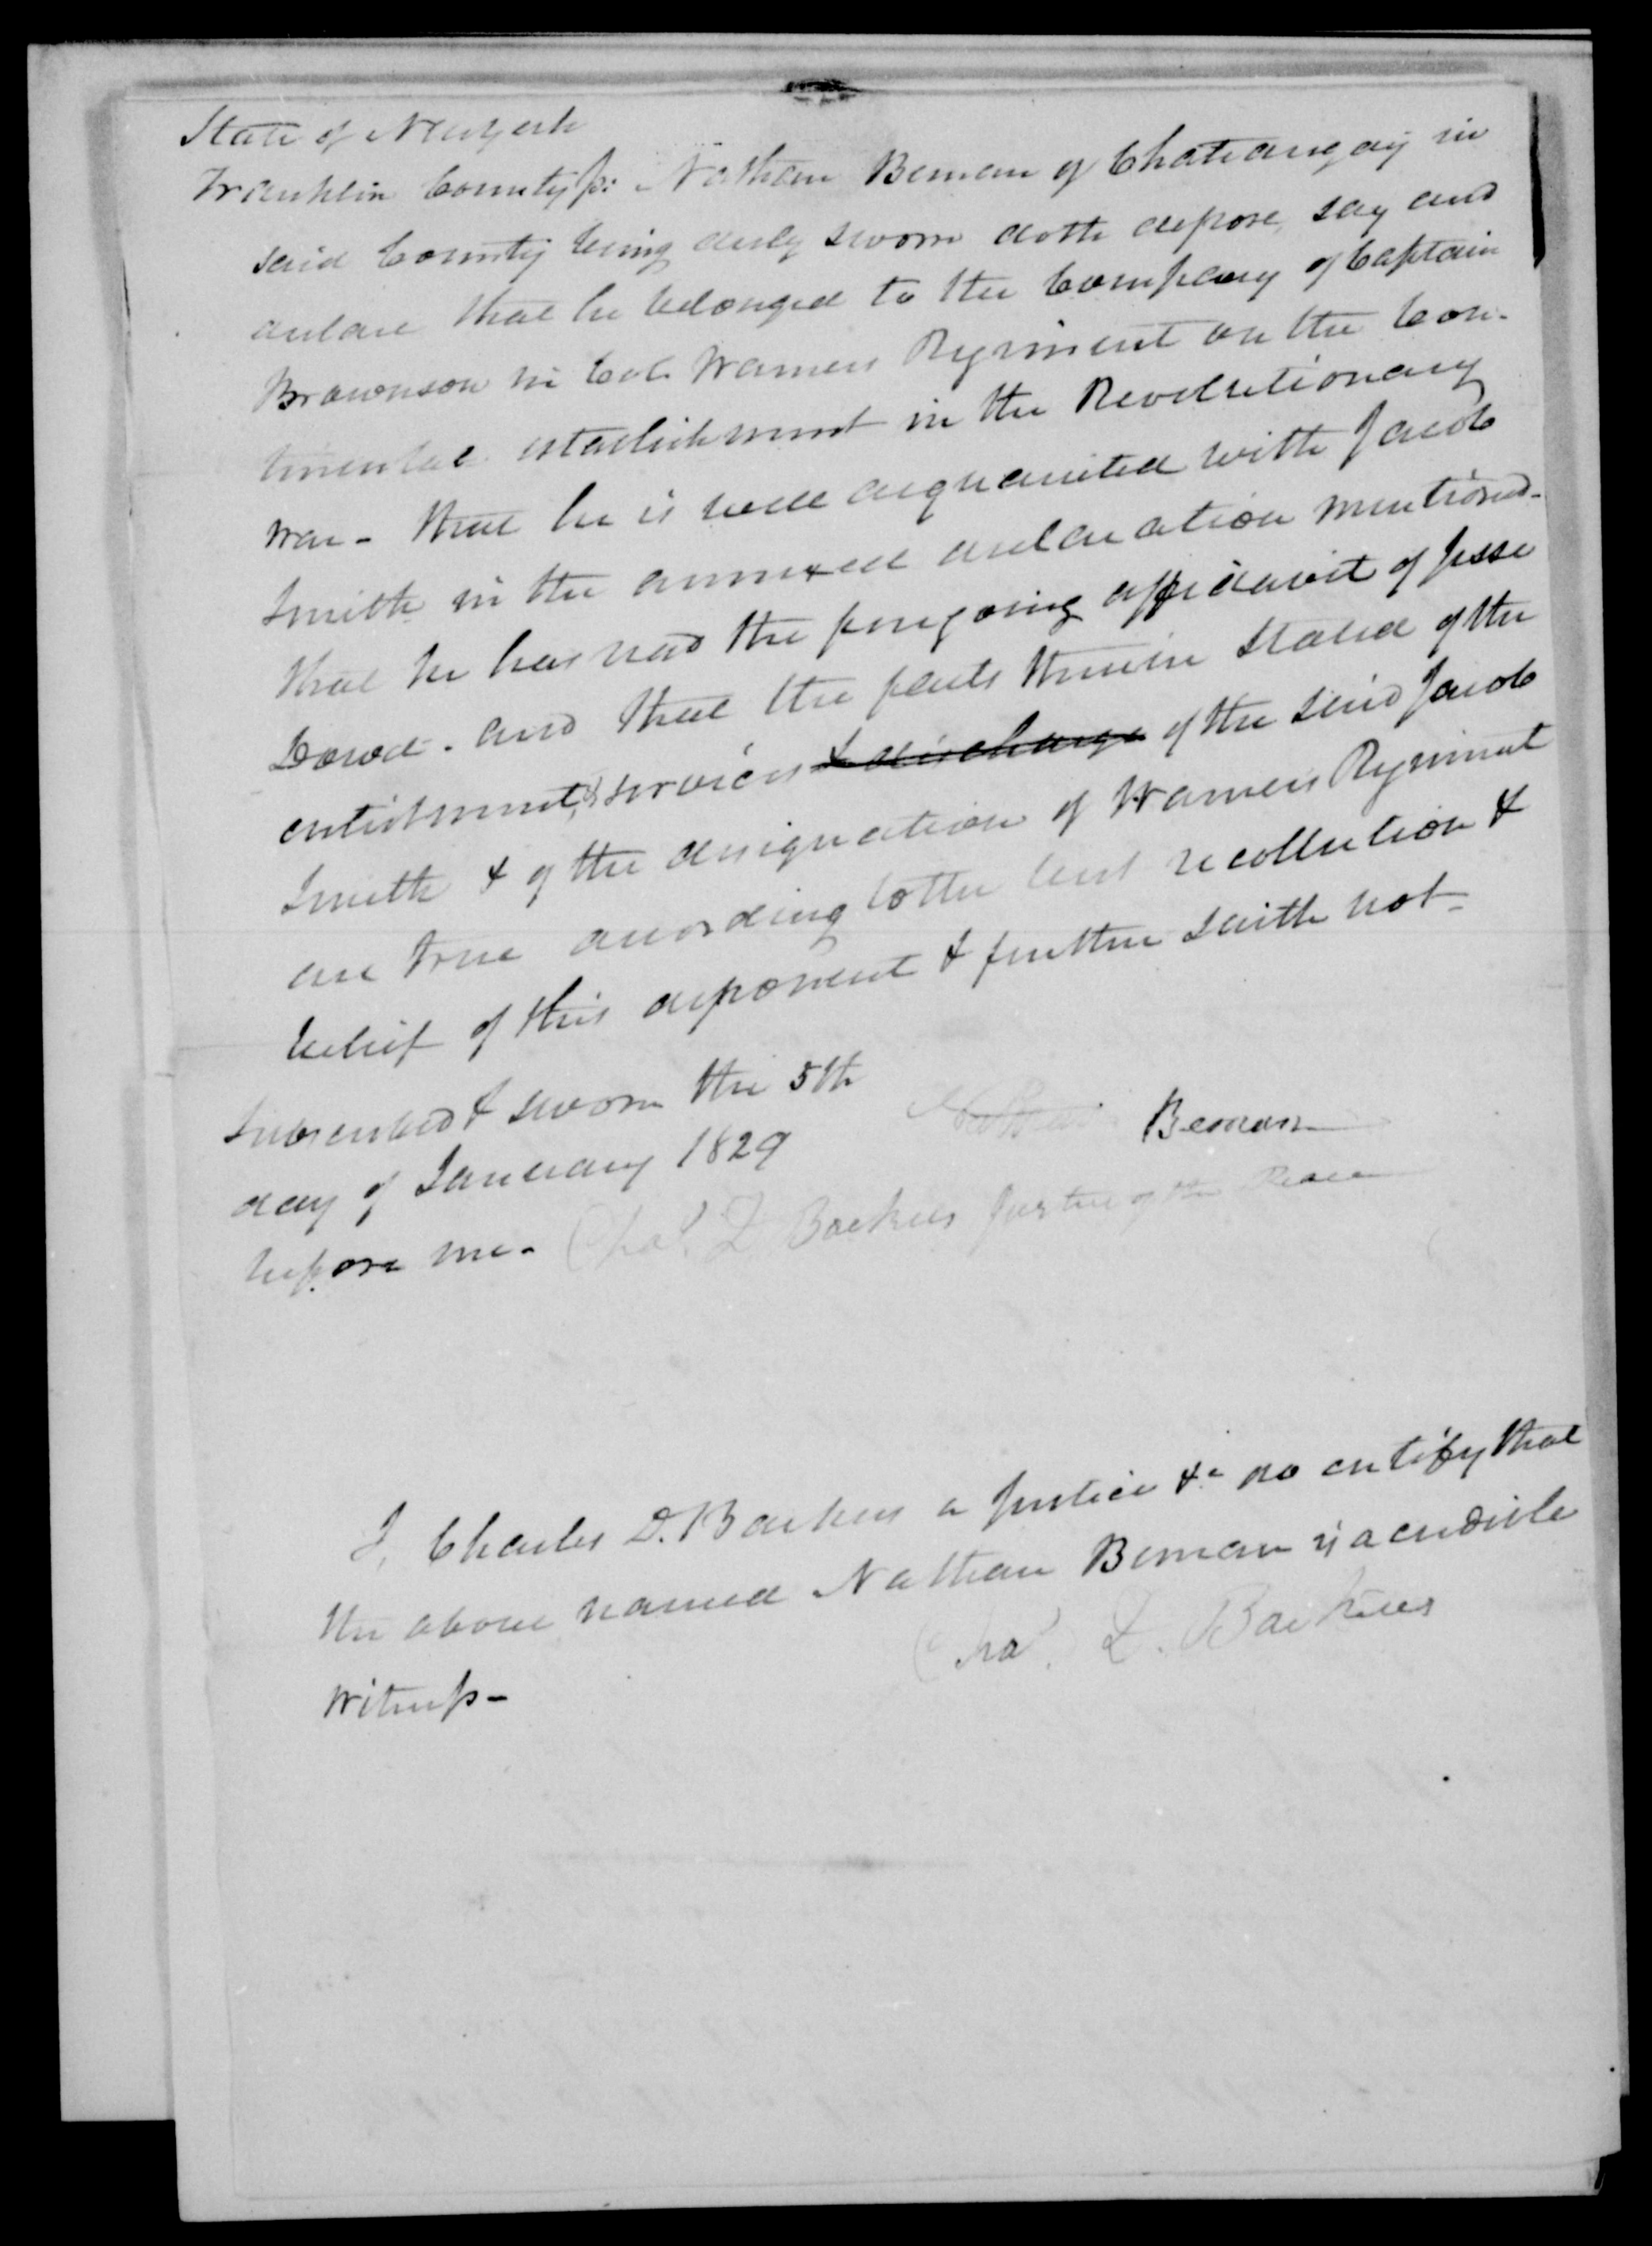State of New York
Franklin County ss  Nathan Bemen of Chateaugay in said County being duly sworn doth depose say and declare that he belonged to the Company of Captain Brownson in Col. Warners Regiment on the Continental establishment in the Revolutionary War. That he is well acquainted with Jacob Smith in the annexed declaration mentioned. That he has read the foregoing affidavit of Jesse Dowd. and that the facts therein stated of the enlistment & services of the said Jacob Smith & of Warner's Regiment are true according to the best recollection & belief of this deponent & further saith not.
Nathan Berman [signature]
Inscribed & sworn the 5th day of January 1829 before me. 
Chas. D Backus Justice of the Peace [signature]

I, Charles D. Backus a Justice & i do certify that the above named Nathan Berman is a credible witness. 
Chas. D. Backus [signature]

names: Chas D Backus; Nathan Beman; Nathan Beman; Charles D Backus; [BLANK] Brownson; Nathan Beman; Jesse Dowd; Chas D Backus; Jacob Smith; Jacob Smith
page: 12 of 15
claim: survivor's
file: S. 43157, for Jacob Smith, Vermont